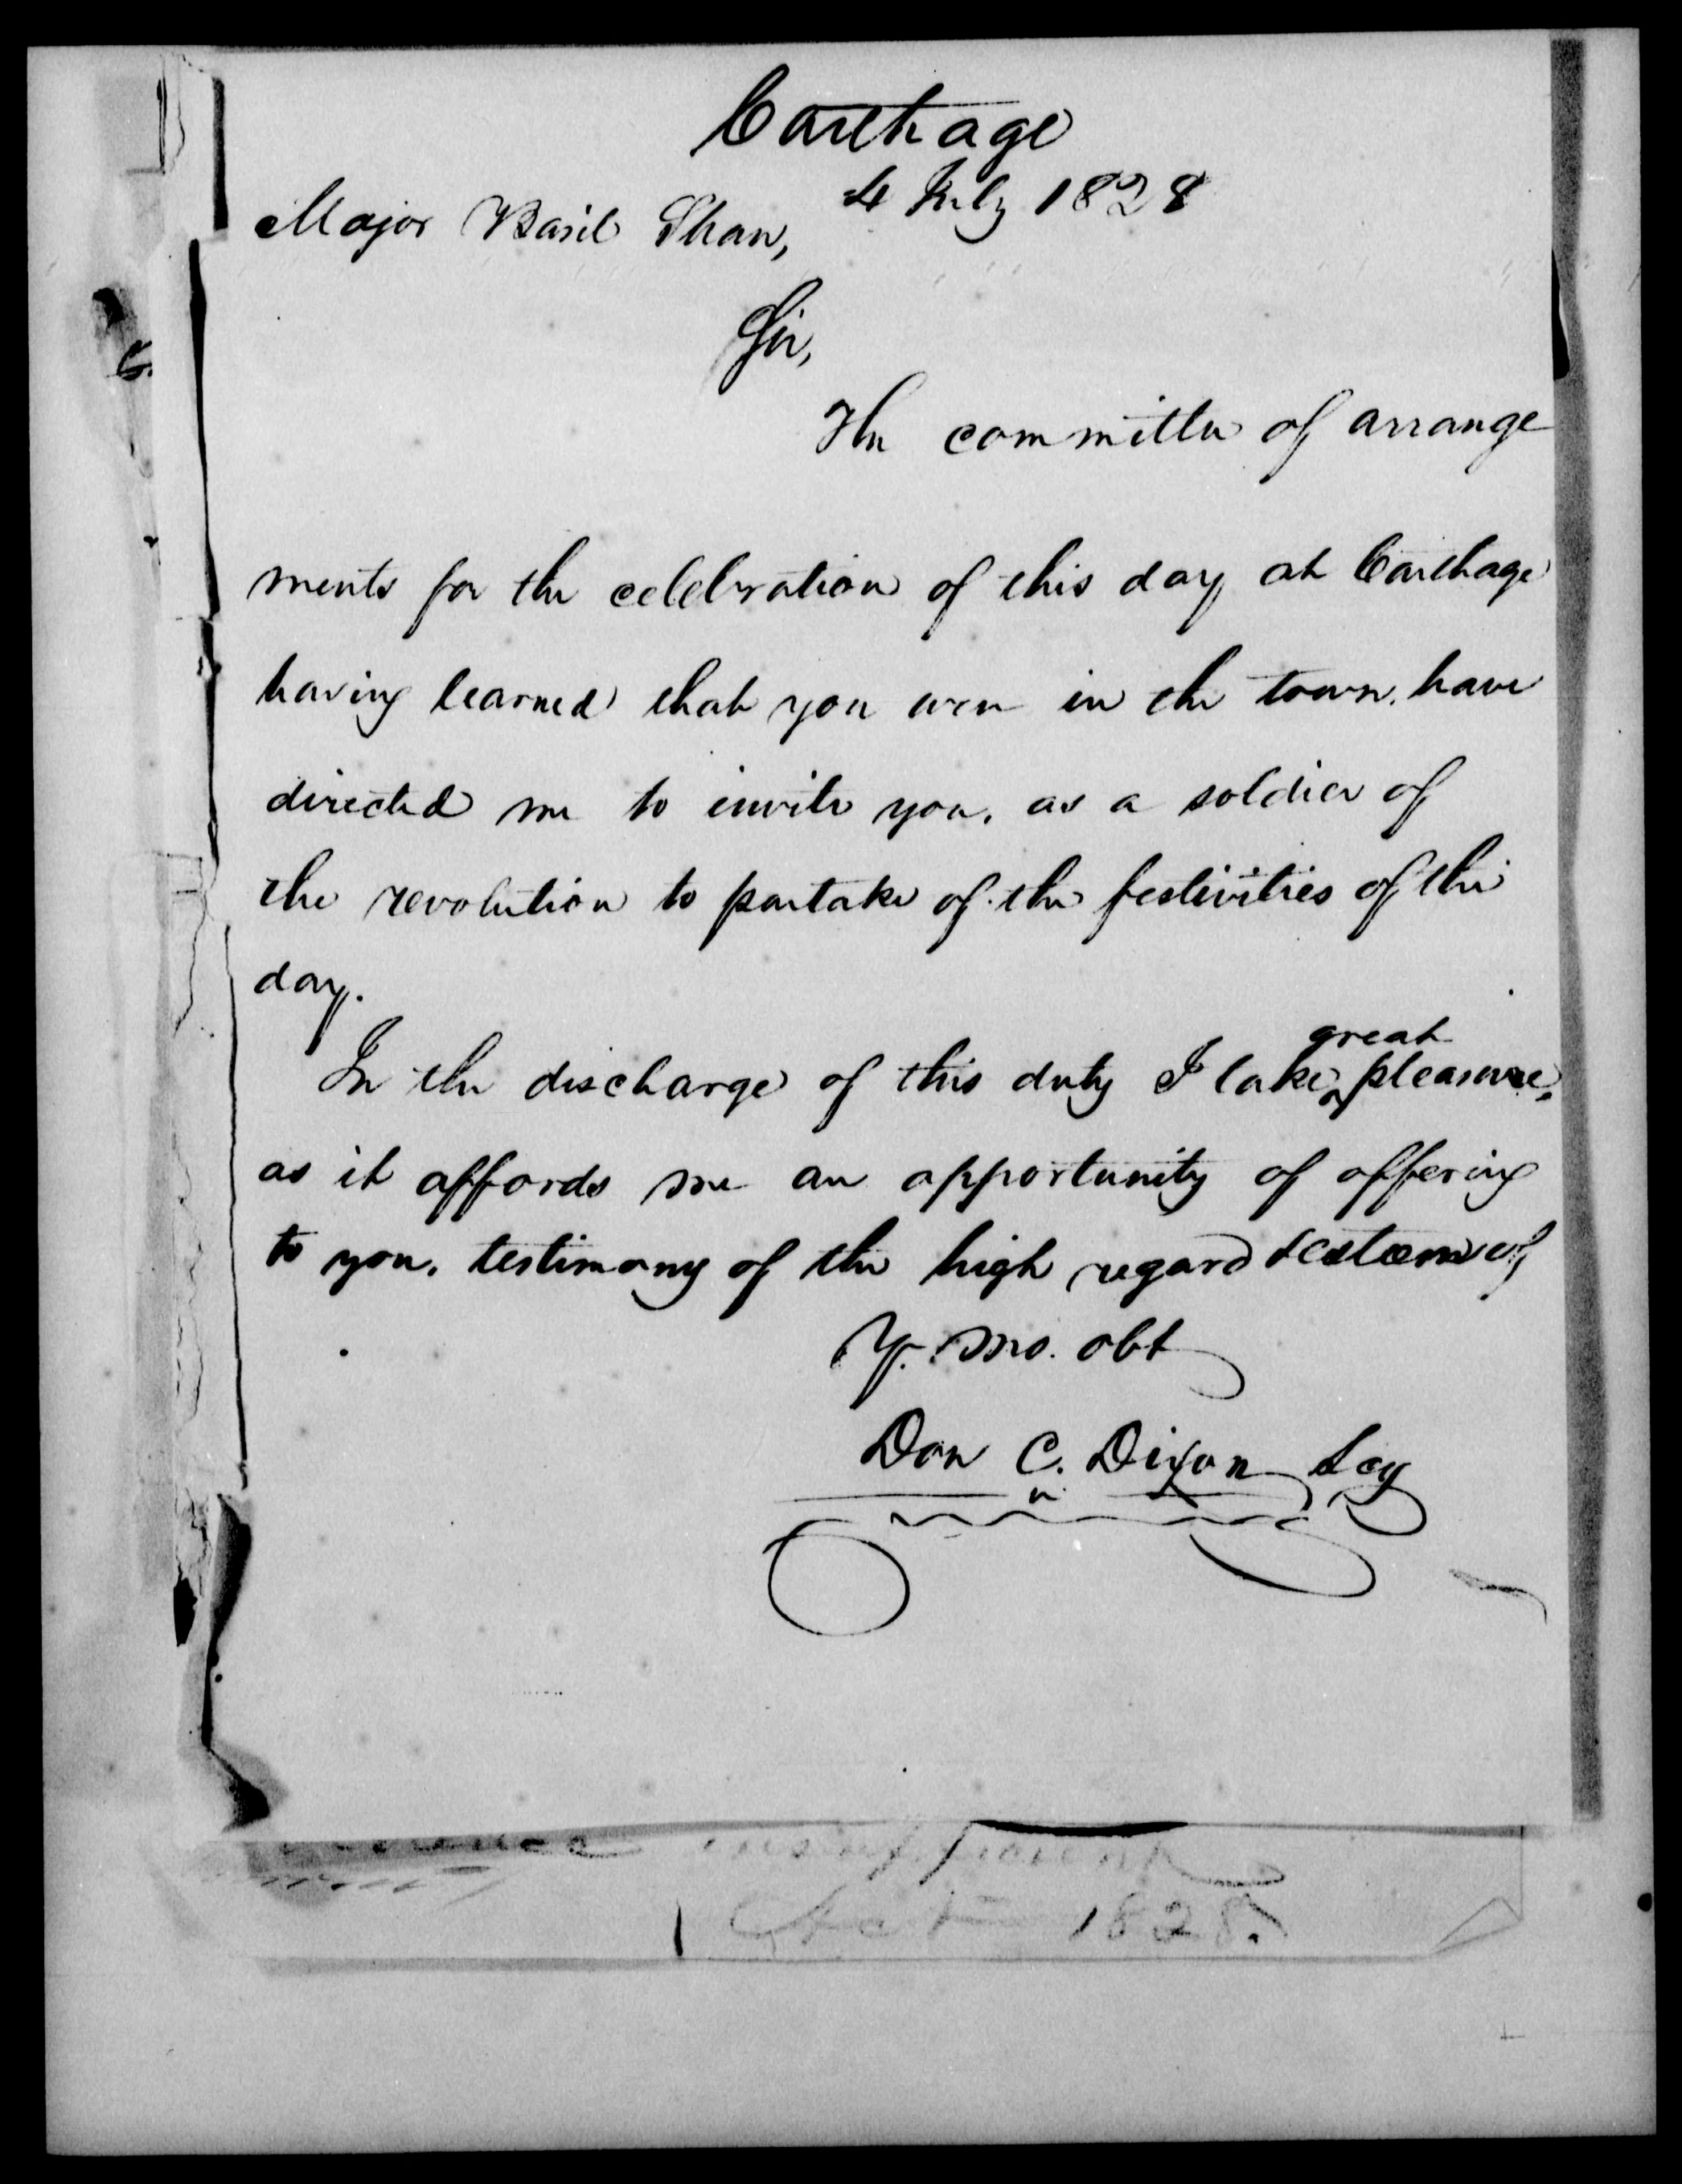Carthage
4 July 1828
Major Basil Shaw,
Sir,
The committee of arrangements for this celebration of this day at Carthage
having learned that you were in the town have
directed me to invite you, as a soldier of
the Revolution to partake of the festivities of the
day.
In the discharge of this duty I take great pleasure,
as it affords me an opportunity of offering
to you, testimony of the high regard and esteem of
Yr. mo. obt.
Don C. Dixon Scy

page: 27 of 32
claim: survivor's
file: S. 16,526, for Basil Shaw, Maryland